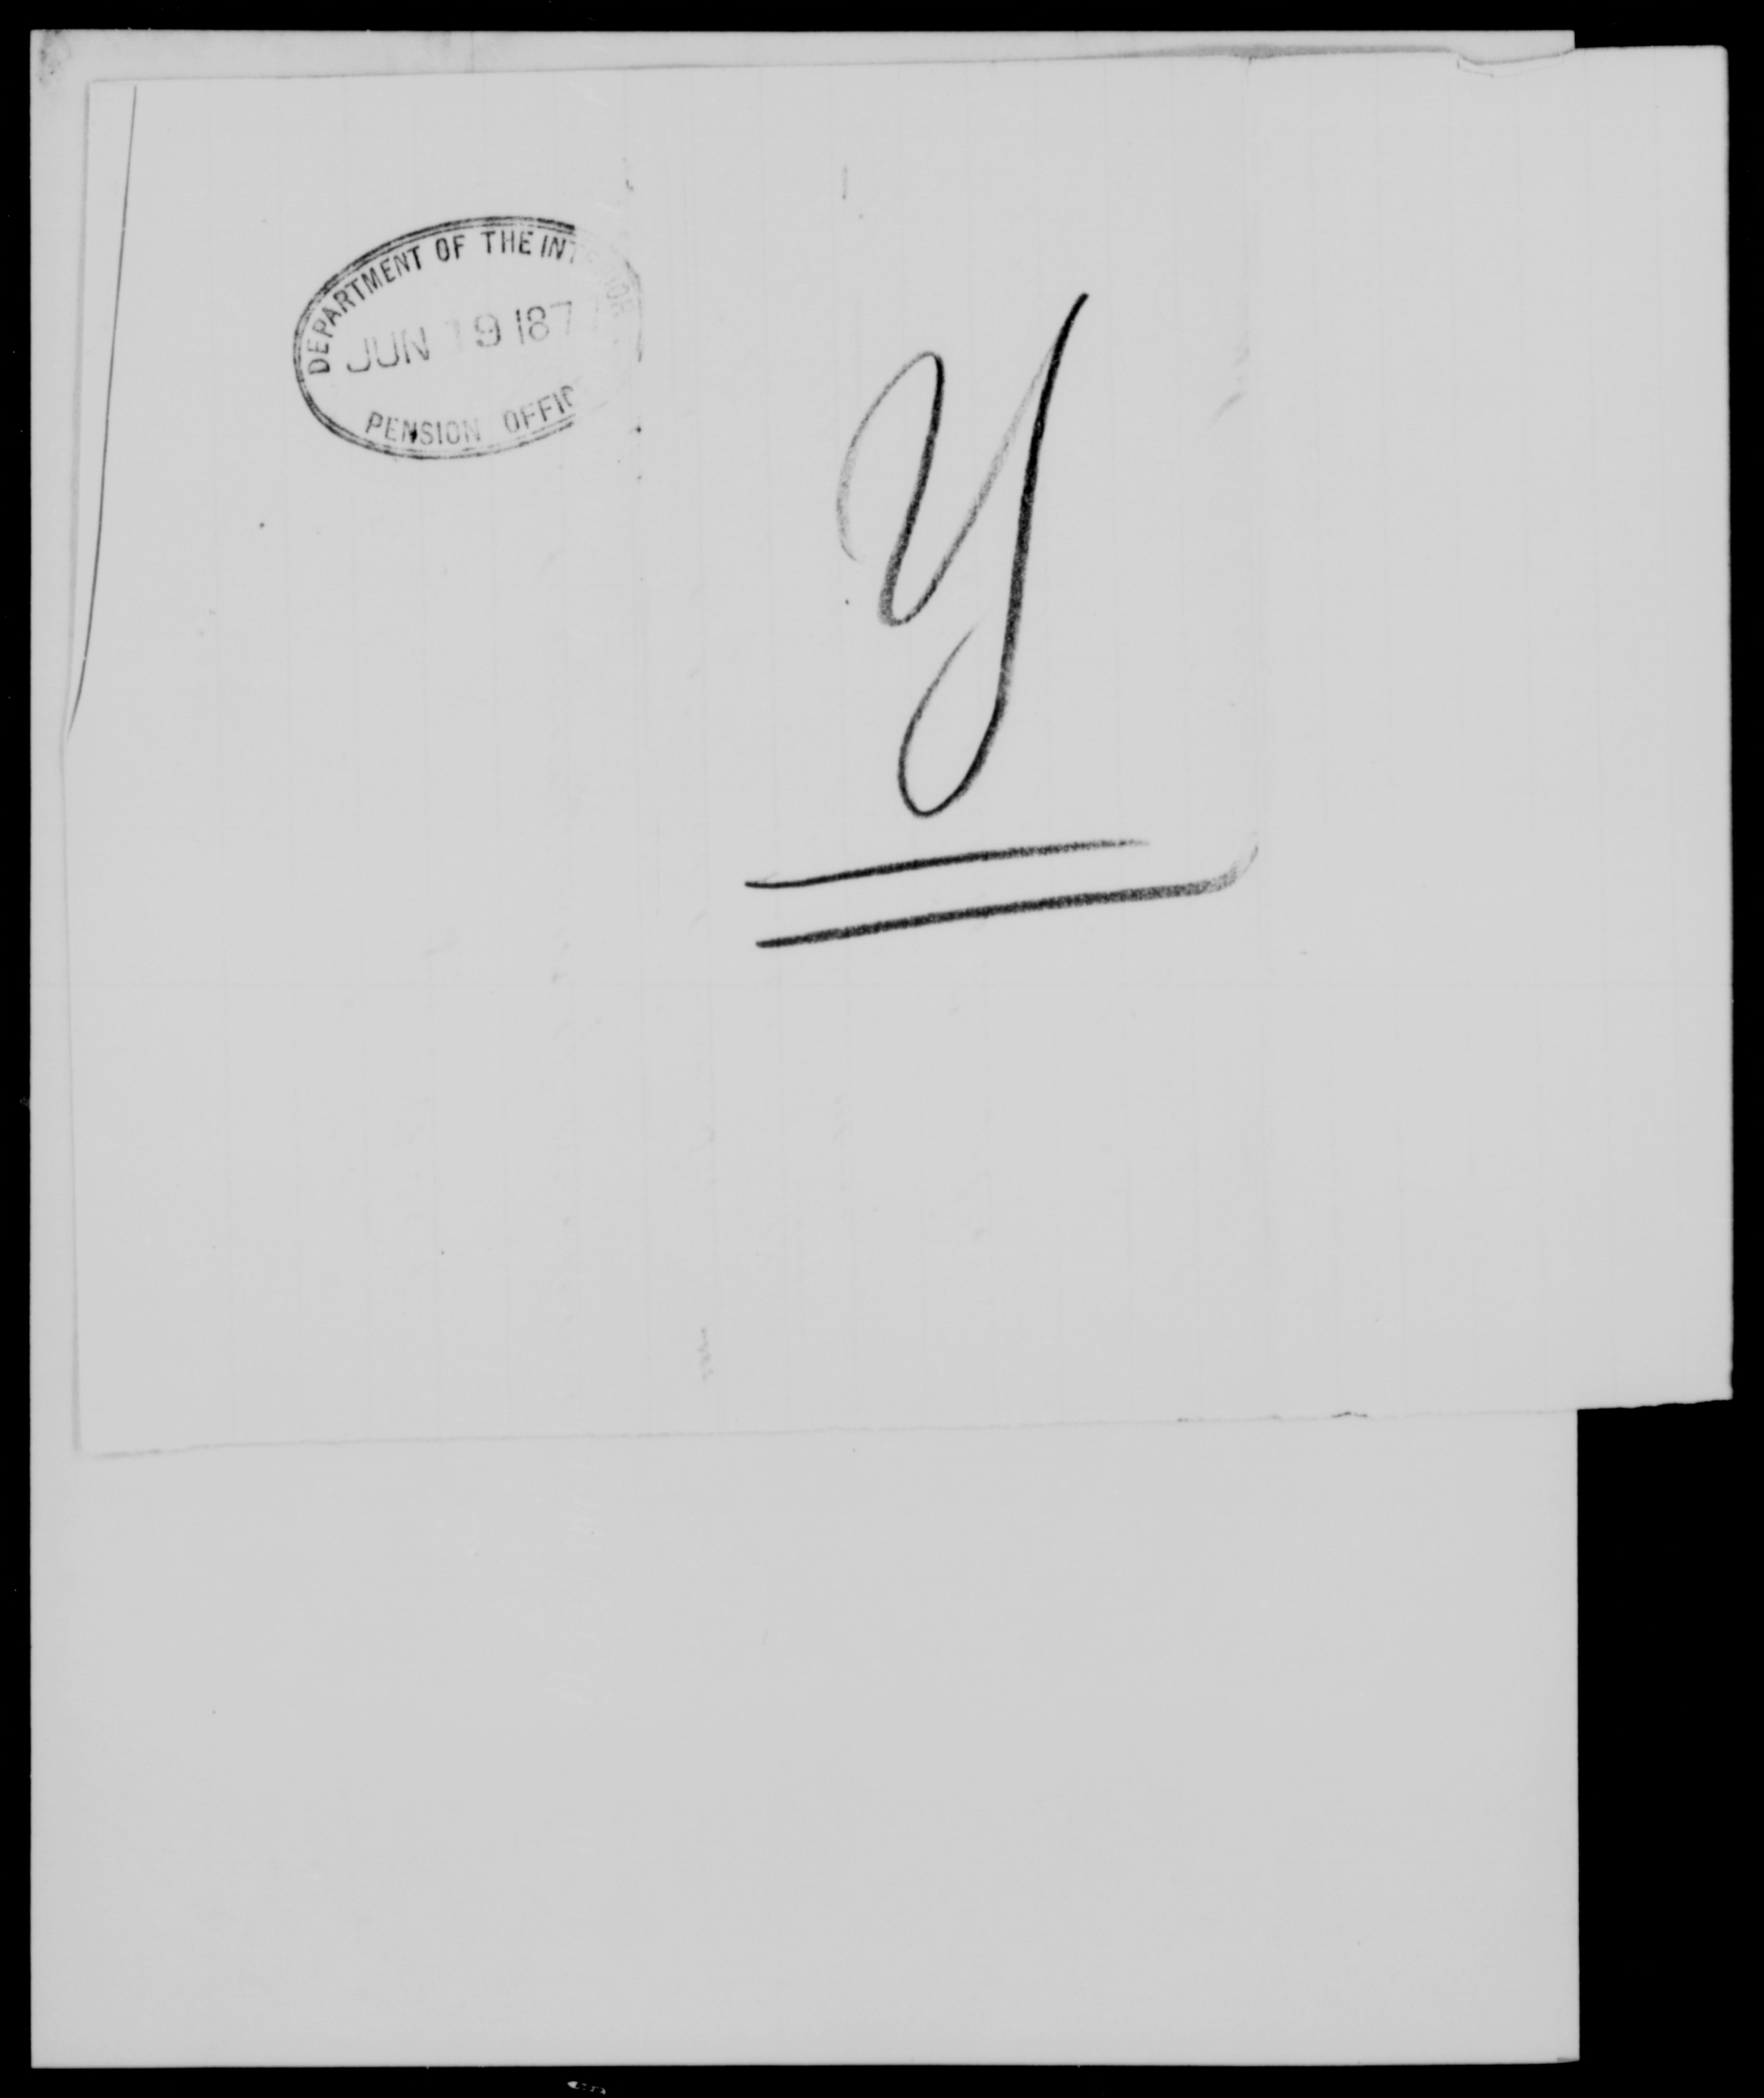Official Stamp/Seal

DEPARTMENT OF THE INTERIOR
JUN 19 1877
PENSION OFFICE

Y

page: 47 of 56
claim: widow's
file: W. 9040, Levi Young, Ga. New Jersey S.C.